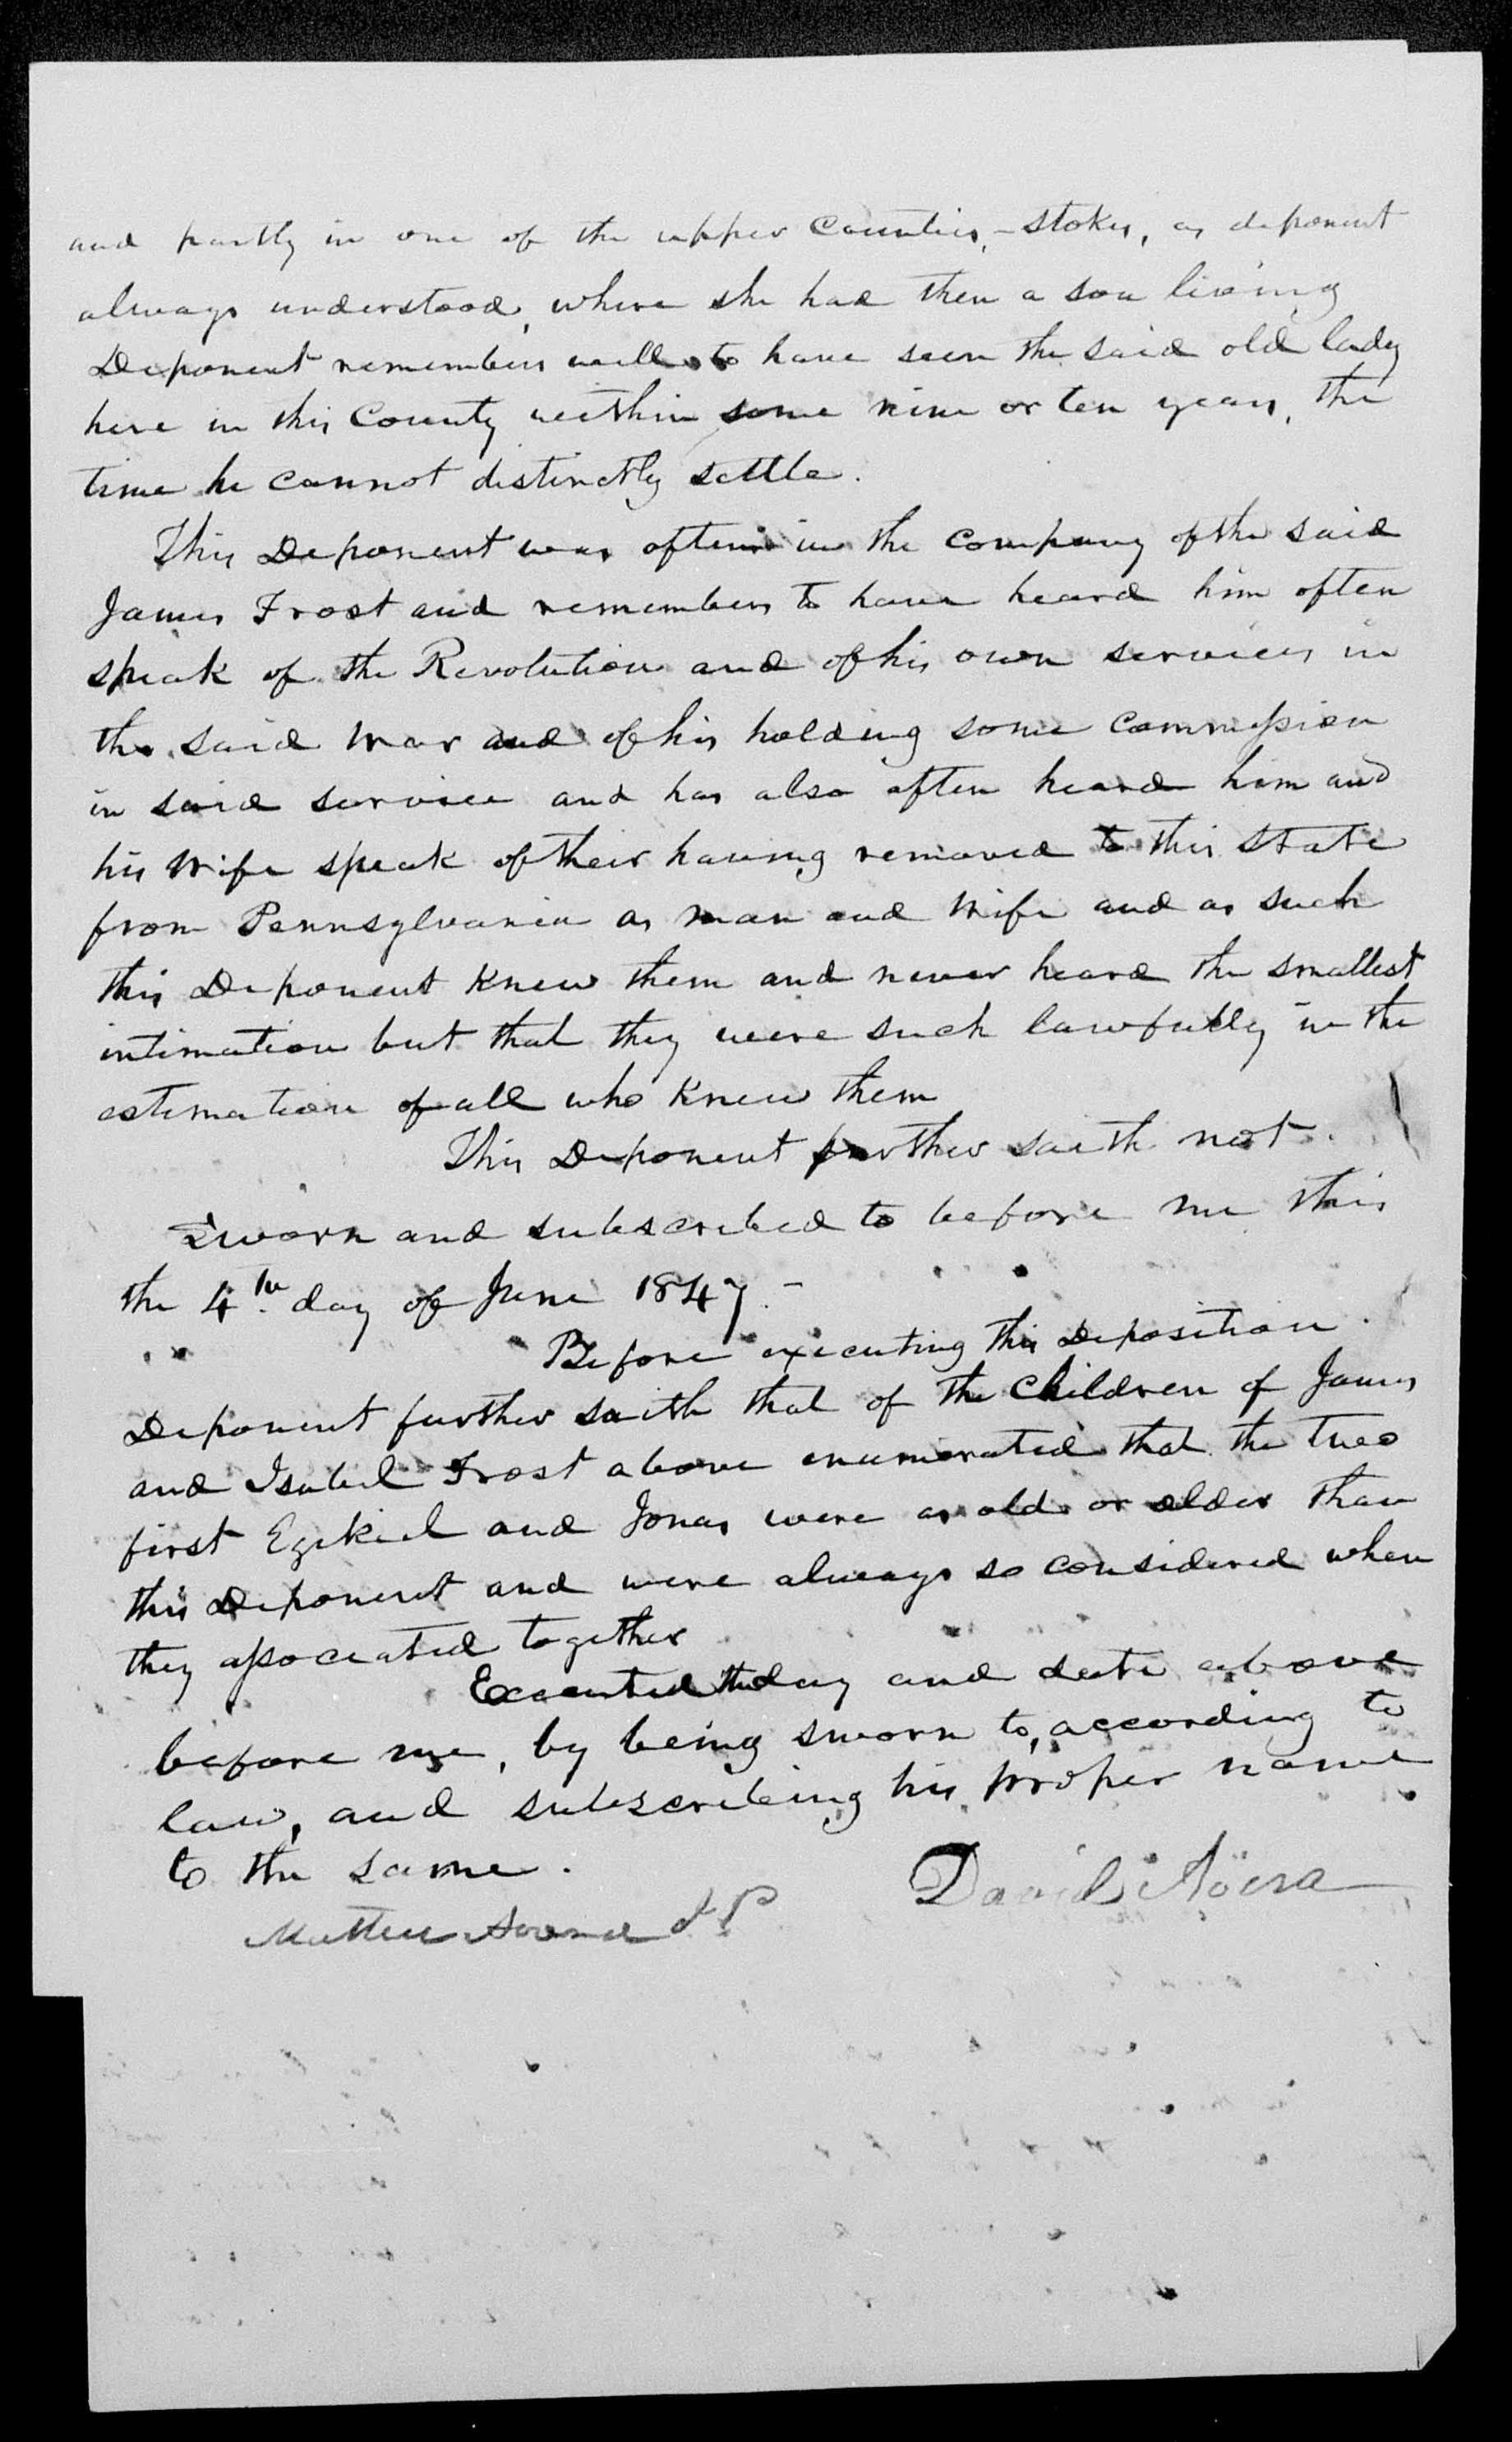and partly in one of the upper Counties, Stokes, as deponent always understood, where she had then a son living deponent remembers well to have seen the said old lady here in this county within some nine or ten years, the time he cannot distinctly settle. 
This deponent was often in the company of this said James Frost and remembers to have heard him often speak of the Revolution and of his own services in the said war and of his holding some commission in said service and has also often heard him and his wife speak of their having removed to this state from Pennsylvania as man and wife and as such this Deponent knew them and never heard the smallest intimation but that they were such lawfully in the estimation of all who knew them
This Deponent further saith not.
Sworn and subscribed to before me this 4th day of June 1847. 
Before executing this deposition Deponent further saith that of the children of James and Isabel Frost above enumerated that the two first Ezekiel and Jonas were as old or older than this Deponent and were always so considered when they associated together.
Executed the day and date above before me by being sworn according to law and subscribing his spoken name to the same.
Matthew Avena J. P.   David Avera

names: James Frost, Jonas, David Avera, James Frost, Isabel Frost, Mathew Avera, Ezekiel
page: 10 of 15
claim: rejected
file: R. 3815, James Frost, N.C.